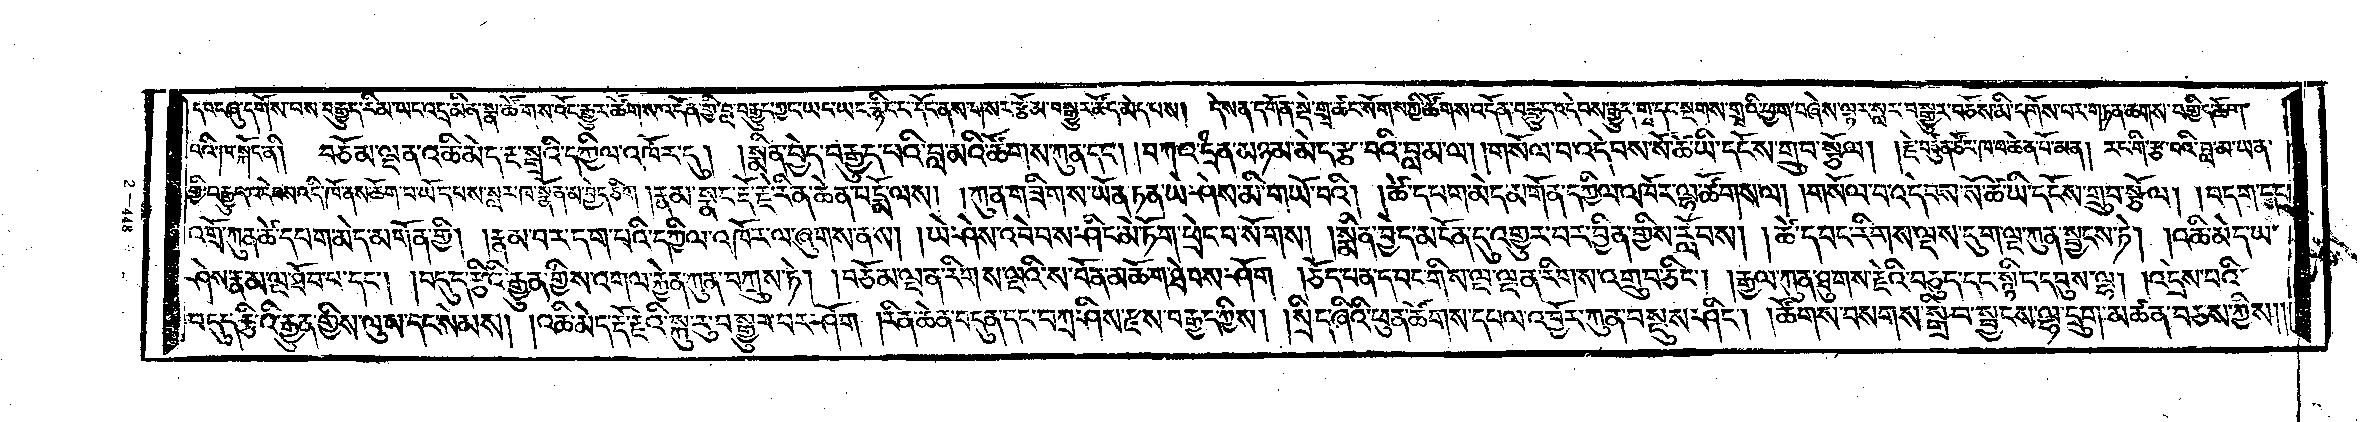དབང་དུ་དགོས་པས་བརྒྱུད་རིམ་ཡང་འདྲ་མིན་སྣ་ཚོགས་འོང་རྒྱུར་ཚོགས་འདོན་གྱི་བླ་བརྒྱུད་ཀྱང་ཡང་ཡང་རྙིང་པ་དོང་ནས་གསར་རྩོམ་བསྒྱུར་ཚོད་མེད་པས། དེས་ན་དགོན་སྡེ་གྲྭ་ཚང་སོགས་ཀྱི་ཚོགས་འདོན་བརྒྱུད་འདེབས་རྒྱུད་གྭ་དང་སྔགས་གྲྭའི་ཕྱག་བཞེས་ལྟར་སླར་བསྒྱུར་བཅོས་མི་དགོས་པར་གཏན་ཆགས་བགྱིད་ཆོག་
བའི་ཁ་སྐོང་ནི། བཅོམ་ལྡན་འཆི་མེད་རྔ་སྒྲའི་དཀྱིལ་འཁོར་དུ། །སྨིན་བྱེད་བརྒྱུད་པའི་བླ་མའི་ཚོགས་ཀུན་དང་། །བཀའ་དྲིན་མཉམ་མེད་རྩ་བའི་བླ་མ་ལ། །གསོལ་བ་འདེབས་སོ་ཚེ་ཡི་དངོས་གྲུབ་སྩོལ། །རྗེ་བཙུན་ཙོང་ཁ་པ་ཆེན་པོ་མན། རང་གི་རྩ་བའི་བླ་མ་ཡན་
གྱི་བརྒྱུད་འདེབས་འདི་ཁོ་ནས་ཆོག་པ་ཡོད་པས་སླར་ཁ་སྣོན་མ་བྱེད་ཅིག །རྣམ་སྣང་རྡོ་རྗེ་རིན་ཆེན་པདམོ་ལས། །ཀུན་གཟིགས་ཡོན་ཏན་ཡེ་ཤེས་མི་གཡོ་བའི། །ཚེ་དཔག་མེད་མགོན་དཀྱིལ་འཁོར་ལྷ་ཚོགས་ལ། །གསོལ་བ་འདེབས་སོ་ཚེ་ཡི་དངོས་གྲུབ་སྩོལ། །བདག་དང་
འགྲོ་ཀུན་ཚེ་དཔག་མེད་མགོན་གྱི། །རྣམ་པར་དག་པའི་དཀྱིལ་འཁོར་ལ་ཞུགས་ནས། །ཡེ་ཤེས་འབེབས་ཤིང་མེ་ཏོག་ཕྲེང་བ་སོགས། །སྨིན་བྱེད་མངོན་དུ་འགྱུར་བར་བྱིན་གྱིས་རློབས། །ཚེ་དབང་རིགས་ལྔས་དུག་ལྔ་ཀུན་སྦྱངས་ཏེ། །འཆི་མེད་ཡེ་
ཤེས་རྣམ་ལྔ་ཐོབ་པ་དང་། །བདུད་རྩིའི་རྒྱུན་གྱིས་འགལ་རྐྱེན་ཀུན་བཀྲུས་ཏེ། །བཅོམ་ལྡན་རིགས་ལྔའི་ས་བོན་མཆོག་ཐེབས་ཤོག །ཅོད་པན་དབང་གིས་ལྔ་ལྡན་རིགས་འགྲུབ་ཅིང་། །རྒྱལ་ཀུན་ཐུགས་རྗེའི་བཅུད་དང་སྙིང་དབུས་ལྷ། །འདྲེས་བའི་
བདུད་རྩིའི་རྒྱུན་གྱིས་ལུས་དང་སེམས། །འཆི་མེད་རྡོ་རྗེའི་སྐུ་རུ་བསྒྱུར་བར་ཤོག །རིན་ཆེན་བདུན་དང་བཀྲ་ཤིས་རྫས་བརྒྱད་ཀྱིས། །སྲིད་ཞིའི་ཕུན་ཚོགས་དཔལ་འབྱོར་ཀུན་བསྡུས་ཤིང་། །ཚོགས་བསགས་སྒྲིབ་སྦྱངས་ལྷ་དྲུག་མཚན་བཅས་ཀྱིས།།